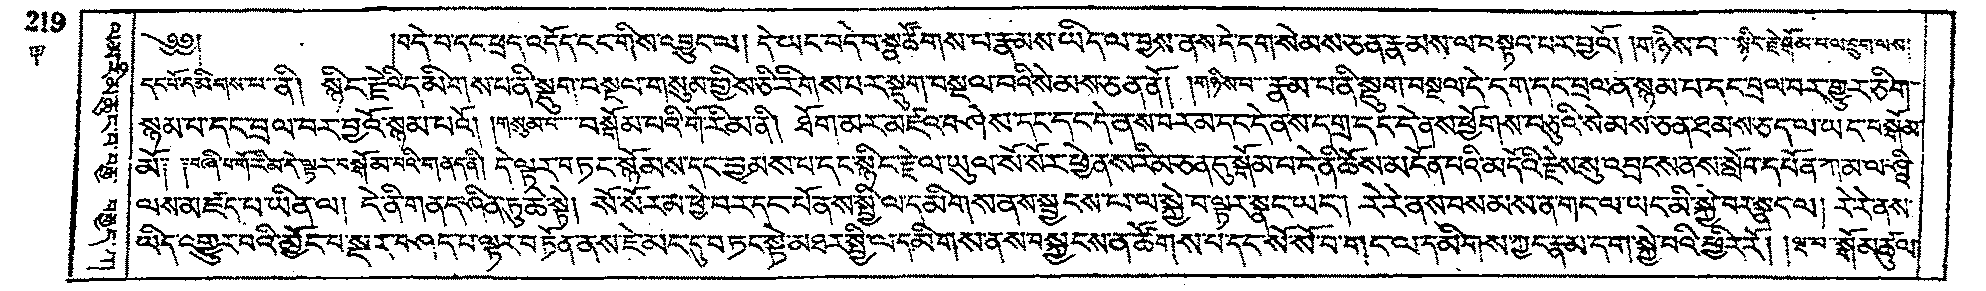༄༅། །བདེ་བ་དང་ཕྲད་འདོད་ངང་གིས་འབྱུང་ལ། དེ་ཡང་བདེ་བ་སྣ་ཚོགས་པ་རྣམས་ཡིད་ལ་བྱས་ནས་དེ་དག་སེམས་ཅན་རྣམས་ལ་བསྟབ་པར་བྱའོ། །གཉིས་པསྙིང་རྗེ་སྒོམ་པ་ལ་དྲུག་ལས།
དང་པོ་དམིགས་པ་ནི། སྙིང་རྗེའི་དམིགས་པ་ནི་སྡུག་བསྔལ་གསུམ་གྱིས་ཅི་རིགས་པར་སྡུག་བསྔལ་བའི་སེམས་ཅན་ནོ། །གཉིས་པ་རྣམ་པ་ནི་སྡུག་བསྔལ་དེ་དག་དང་བྲལ་ན་སྙམ་པ་དང་བྲལ་བར་གྱུར་ཅིག་
སྙམ་པ་དང་བྲལ་བར་བྱའོ་སྙམ་པའོ། །གསུམ་པ་བསྒོམ་པའི་གོ་རིམ་ནི། ཐོག་མར་མཛའ་བཤེས་དང་དང་དེ་ནས་བར་མ་དང་དེ་ནས་དགྲ་དང་དེ་ནས་ཕྱོགས་བཅུའི་སེམས་ཅན་ཐམས་ཅད་ལ་ཡང་བསྒོམ་
མོ༑ ༑ བཞི་པ་གོ་རིམ་དེ་ལྟར་བསྒོམ་པའི་གནད་ནི། དེ་ལྟར་བཏང་སྙོམས་དང་བྱམས་པ་དང་སྙིང་རྗེ་ལ་ཡུལ་སོ་སོར་ཕྱེ་ནས་རིམ་ཅན་དུ་སྒོམ་པ་དེ་ནི་ཆོས་མངོན་པའི་མདོའི་རྗེས་སུ་འབྲངས་ནས་སློབ་དཔོན་ཀ་མ་ལ་ཤཱི་
ལས་མཛད་པ་ཡིན་ལ། དེ་ནི་གནད་ཤིན་ཏུ་ཆེ་སྟེ། སོ་སོར་མ་ཕྱེ་བར་དང་པོ་ནས་སྤྱི་ལ་དམིགས་ནས་སྦྱངས་པ་ལ་སྐྱེ་བ་ལྟར་སྣང་ཡང་། རེ་རེ་ནས་བསམས་ན་གང་ལ་ཡང་མི་སྐྱེ་བར་སྣང་ལ། རེ་རེ་ནས་
ཡིད་འགྱུར་བའི་མྱོང་པ་སྔར་བཤད་པ་ལྟར་བཏོན་ནས་ཇེ་མང་དུ་བསྟང་སྟེ་མཐར་སྤྱི་ལ་དམིགས་ནས་བསྐྱངས་ན་ཚོགས་པ་དང་སོ་སོ་བ་གང་ལ་དམིགས་ཀྱང་རྣམ་དག་སྐྱེ་བའི་ཕྱིར་རོ། །ལྔ་པ་སྒོམ་ཚུལ་